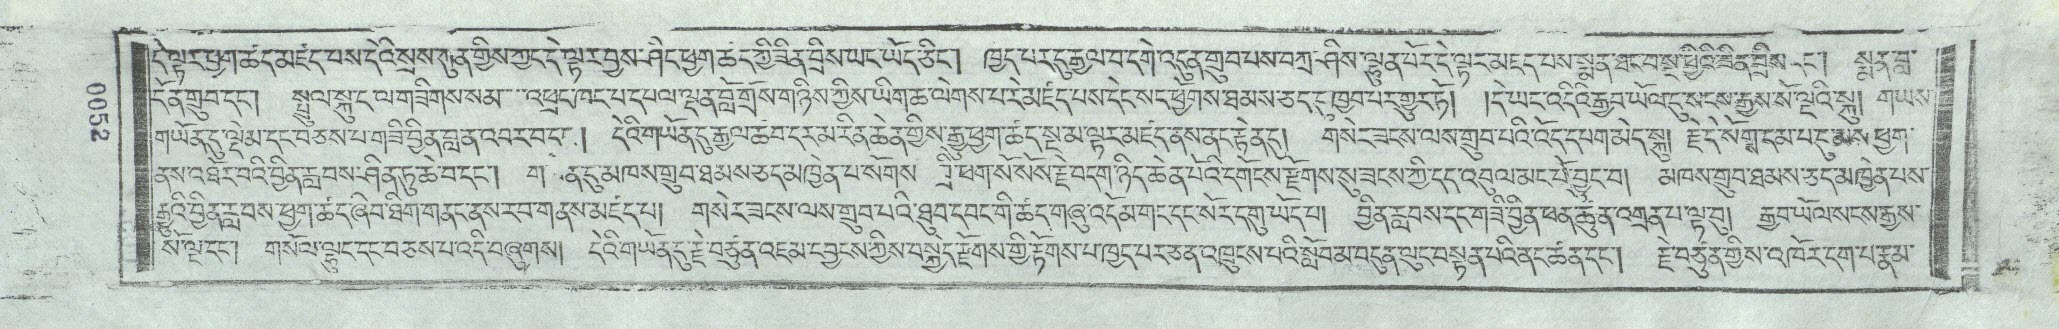དེ་ལྟར་ཕྱག་ཚད་མཛད་བས་དེའི་སྲས་ཀུན་གྱིས་ཀྱང་དེ་ལྟར་བྱས་ཤིང་ཕྱག་ཚད་ཀྱི་ཟིན་བྲིས་ཡང་ཡོད་ཅིང་། ཁྱད་པར་དུ་རྒྱལ་བ་དགེ་འདུན་གྲུབ་པས་བཀྲ་ཤིས་ལྷུན་པོར་དེ་ལྟར་མཛད་པས་སྨན་ཐང་བ་སྔ་ཕྱིའི་ཟིན་བྲིས་དང་། སྨན་ཀླ་
དོན་གྲུབ་དང་། སྤྲུལ་སྐུ་ང་ལ་གཟིགས་སམ་འྤྲད་ཁང་པ་དཔལ་ལྡན་བློ་གྲོས་གཉིས་ཀྱིས་ཡིག་ཆ་ལེགས་པ་རེ་མཛད་པས་དེང་སང་ཕྱོགས་ཐམས་ཅད་དུ་ཁྱབ་པར་གྱུར་ཏོ། །དེ་ཡང་འདིའི་རྒྱབ་ཡོལ་དུ་སངས་རྒྱས་སོ་ལྔའི་སྐུ། གཡས་
གཡོན་དུ་ལྡེམ་དང་བཅས་པ་གཟི་བྱིན་བླ་ན་འབར་བ་དང་། དེའི་གཡོན་དུ་རྒྱལ་ཚབ་དར་མ་རིན་ཆེན་གྱིས་རྒྱུ་ཕྱག་ཚད་སྔ་མ་ལྟར་མཛད་ནས་ནང་རྟེན་དུ། གསེར་ཟངས་ལས་གྲུབ་པའི་འོད་དཔག་མེད་སྐུ། རྗེ་དེ་སོགས་དམ་པ་དུ་མས་ཕྱག་
ནས་འཐོར་བའི་བྱིན་རླབས་ཤིན་ཏུ་ཆེ་བ་དང་། གཡོན་དུ་མཁས་གྲུབ་ཐམས་ཅད་མཁྱེན་པ་སོགས། ཀྲི?་ཕག་སོ་སོས་རྗེ་བདག་ཉིད་ཆེན་པོའི་དགོངས་རྫོགས་སུ་ཟངས་ཀྱི་དད་འབུལ་མང་པོ་བྱུང་བ། མཁས་གྲུབ་ཐམས་ཅད་མཁྱེན་པས་
རྒྱུའི་བྱིན་རླབས་ཕྱག་ཚད་ཞིབ་ཐིག་གནང་ནས་རབ་གནས་མཛད་པ། གསེར་ཟངས་ལས་གྲུབ་པའི་ཐུབ་དབང་གི་ཚད་གཞུ་འདོམ་གང་དང་སོར་དགུ་ཡོད་པ། །བྱིན་རླབས་དང་གཟི་བྱིན་ཕན་ཚུན་འགྲན་པ་ལྟ་བུ། རྒྱབ་ཡོལ་སངས་རྒྱས་
སོ་ལྔ་དང་། གསོལ་ལྷུང་དང་བཅས་པ་འདི་བཞུགས། དེའི་གཡོན་དུ་རྗེ་བཙུན་འཇམ་དབྱངས་ཀྱིས་བསྐྱེད་རྫོགས་གྱི་རྟོགས་པ་ཁྱད་པར་ཅན་འཁྲུངས་པའི་སློབ་མ་བདུན་ལུང་བསྟན་པའི་ནང་ཚན་དང་། རྗེ་བཙུན་གྱིས་འཁོར་དག་པ་རྣམ་